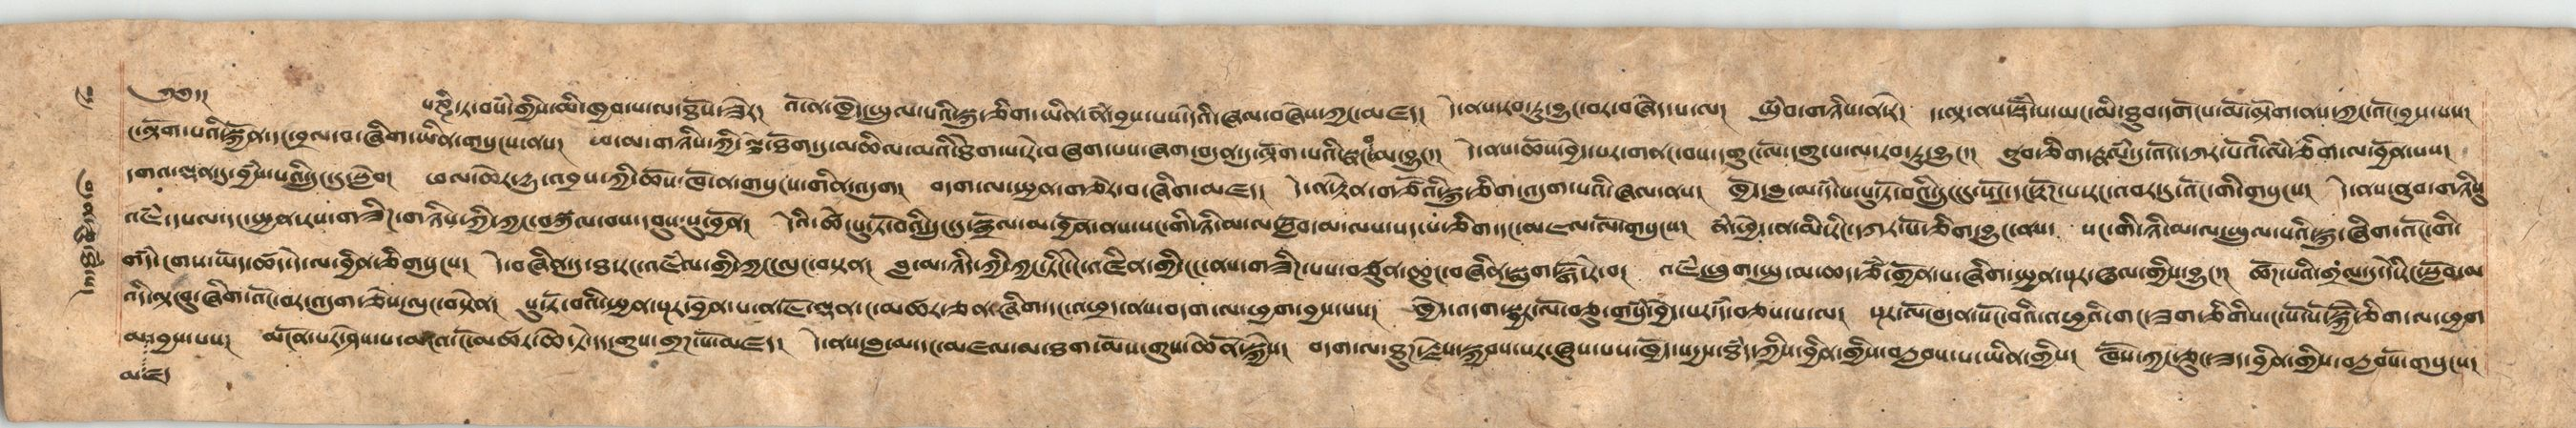པཎྜི་ཏ་བསཾ་གྱིས་མི་ཁྱབ་པ་ལ་ཐོས་ཟེར། འོ་ན་ཁྱོད་སྤྲུལ་པའི་སྐུ་ཅིག་ཡིན་ནཾ་བྱས་པས་དེའི་ཞལ་བཞེས་ཀྱང་མཛད། དེ་ནས་རབ་ཏུ་བྱུང་བཞེད་པ་ལ། ཡུཾབ་གཉིས་ན་རེ། ད་ལྟ་ནས་སྡོཾ་པ་ཡང་མི་ཐུབ་དགོངས་མོ་ལྟོག་ནས་ཀྱང་འོང་བྱས་པས།
ང་ལྟོག་པའི་སྐྱོན་དང་བྲལ་བ་ཞིག་ཡིན་གསུངས་ནས། ཕ་མ་གཉིས་ཀྱི་ལྕེ་ཐོག་དུ་མཆིལ་མའི་ཐེག་པ་རེ་བཞག་པས་ཞག་བདུན་དུ་ལྟོག་པའི་སྣང་བ་མ་བྱུང་། དེ་ནས་ཆོས་བྱེད་པར་གནང་བས་དགུང་ལོ་དགུ་པ་ལ་རབ་ཏུ་བྱུང་། ནུབ་ཅིག་རྣལཾ་དུ་འོད་དཀར་པོའི་ལཾ་ཅིག་ལ་བྱོན་པས།
དགའ་ལྡན་དུ་བྱཾས་པའི་དྲུང་དུ་སླེབ། ཕལ་ཆེར་དྱུ་འབྲས་ཀྱི་ཆོས་ཁོ་ན་གསུངས་གིན་འདུག བདག་ལ་སྤྱན་གཅེར་བ་ཞིག་མཛད། དེ་ན་རྟེན་གཙོའི་སྐུ་ཅིག་འདུག་པའི་ཞལ་ནས། ཁྱོད་བླ་མ་དཾ་པ་པུ་ཏོ་བའི་དྲུང་དུ་སོང་དང་རྟོཌ་པ་རང་འབར་དུ་འོང་གི་གསུངས། དེ་ནས་ནུབ་གཉིསུ་
འཇཾ་དཔལ་དང་སྤྱན་རས་གཟིཌ་གཉིས་ཀྱི་ཀྱང་བསྐུལ་བས་དབུས་སུ་བྱོན། དིའི་ཚེ་པུ་ཏོ་བའི་དྲུང་དུ་སྒྲོལ་མ་བྱོན་ནས་སང་གི་ཉི་མ་ལ་སློབ་མ་ལས་སད་པ་ཅིག་དང་མཇལ་ལོ་གསུངས། ནཾ་ཕྱེད་ན་མི་རིང་དཀར་པོ་ཅིག་བྱུང་ནས། སང་གི་ཉི་མ་ལ་སྤྲུལ་པའི་སྐུ་ཞིག་འོང་གི་
གདཾ་ངགས་ཡོད་ཚད་དེ་ལ་བྱིན་ཅིགསུངས། དེ་བཞིན་དུ་ཐ་རང་འཇཾལ་གྱི་ཀྱང་ལུང་བསྟན། བླ་མ་ཉིད་ཀྱི་ཀྱང་ཏིང་ངེ་འཛིན་གྱི་ངང་ནས་གཟིཌ་པས་བཙུན་ཆུང་བཞིན་སྨུག་སྒོ་རེ་བ། འཇཾ་ཕྲུག་སྤུ་མ་ཆད་ཙཾ་གྱོན་པ་ཞིག་སྤྱན་སྔར་ཝལ་གྱིས་བྱུང་། ཚོཌ་པའི་གྲལ་དུ་དེ་རིང་སློབ་མ
འདི་ལྟ་བུ་ཞིག་འོང་བར་འདུག་ཅེས་ལུང་བསྟེན། པུ་ཏོ་བའི་སྤྱན་སྔར་བྱོན་པ་ན་ཇོ་ལྡན་ང་མཚར་ཅན་ཞིག་དང་འཕྲད་ནས་བདག་ལ་ཕྱག་བྱས་པས། ཁྱེད་འདག་སྦྱར་ལོ་བཅུ་གསུཾ་བྱེད་པར་དམ་བཅས་པ་ལ། སྔར་ལོ་བདུན་སོང་བའི་འཕྱའི་གང་ཟག་ཅིགིས་ང་སོ་སོ་སྐྱེོ་ཅིག་ལ་ཕྱག་
མ་བྱས་པས། མངོན་པར་ཤེས་པ་མངའ་ངོ་མཚར་ཆེ་ཏེ་དད་གུས་གྲཌ་པོ་མཛད། དེ་ནས་བླ་མ་དང་མཇལ་མ་ཐག་མོས་གུས་ཆེནོ་སྐྱེས། བདག་ལ་ཐུཌ་རྗེས་སྐྱབས་པར་ཞུས་པས་ཁྱོད་སདྱས་ཐཾད་ཀྱིས་བྱིན་གྱིས་བརླབས་པ་ཡིན་གྱིས། ཁཽས་ཀྱང་ཅུང་ཟད་བྱིན་གྱིས་བརླབསོ་གསུངས།